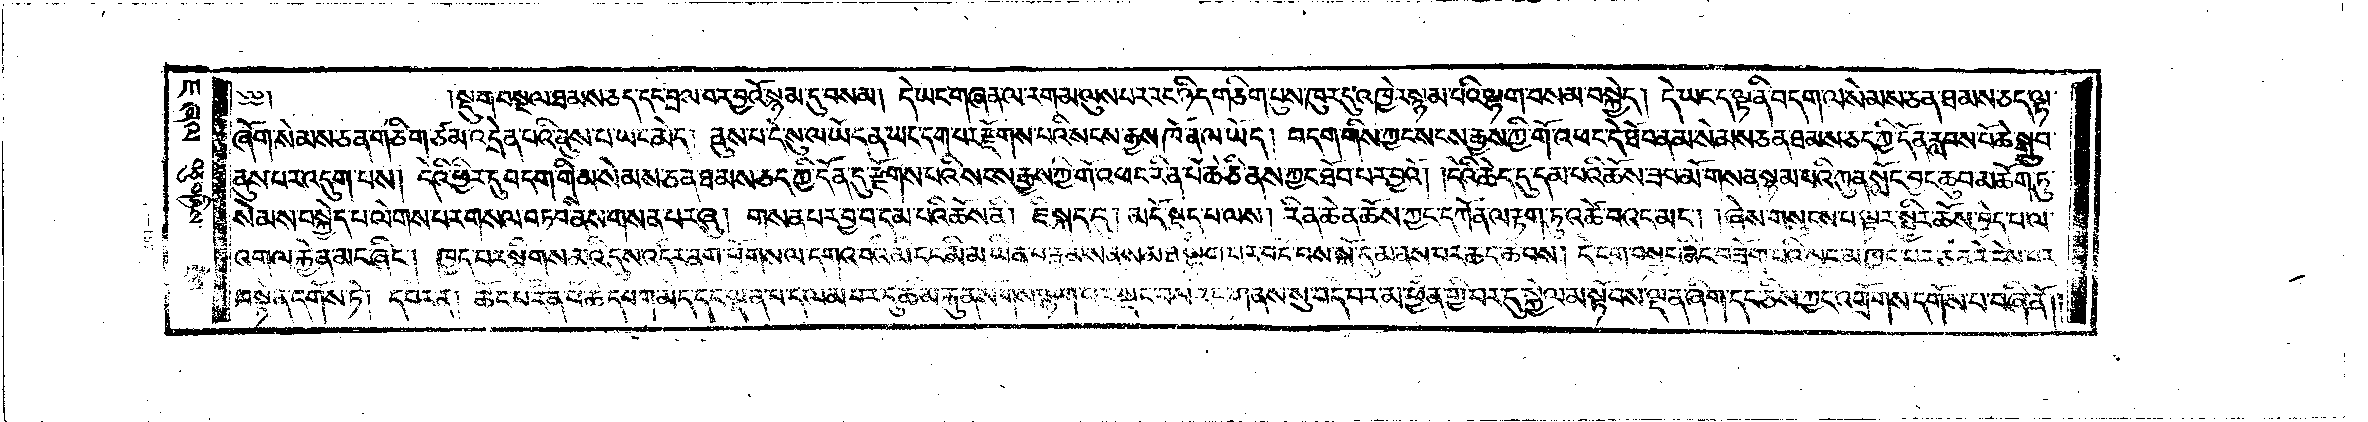༄༅། །སྡུག་བསྔལ་ཐམས་ཅད་དང་བྲལ་བར་བྱའོ་སྙམ་དུ་བསམ། དེ་ཡང་གཞན་ལ་རག་མ་ལུས་པར་རང་ཉིད་གཅིག་པུས་ཁུར་དུ་འཁྱེར་སྙམ་པའི་ལྷག་བསམ་བསྐྱེད། དེ་ཡང་ད་ལྟ་ནི་བདག་ལ་སེམས་ཅན་ཐམས་ཅད་ལྟ་
ཞོག ༑སེམས་ཅན་གཅིག་ཙམ་འདྲེན་པའི་ནུས་པ་ཡང་མེད། ནུས་པ་དེ་སུ་ལ་ཡོད་ན་ཡང་དག་པར་རྫོགས་པའི་སངས་རྒྱས་ཁོ་ན་ལ་ཡོད། བདག་གིས་ཀྱང་སངས་རྒྱས་ཀྱི་གོ་འཕང་དེ་ཐོབ་ན་མ་སེམས་ཅན་ཐམས་ཅད་ཀྱི་དོན་རླབས་པོ་ཆེ་སྒྲུབ་
ནུས་པར་འདུག་པས། དེའི་ཕྱིར་དུ་བདག་གིས་མ་སེམས་ཅན་ཐམས་ཅད་ཀྱི་དོན་དུ་རྫོགས་པའི་སངས་རྒྱས་ཀྱི་གོ་འཕང་རིན་པོ་ཆེ་ཅི་ནས་ཀྱང་ཐོབ་པར་བྱའོ། །དེའི་ཆེད་དུ་དམ་པའི་ཆོས་ཟབ་མོ་གསན་སྙམ་པའི་ཀུན་སློང་བྱང་ཆུབ་མཆོག་ཏུ་
སེམས་བསྐྱེད་པ་ལེགས་པར་གསལ་བཏབ་ནས་གསན་པར་ཞུ། གསན་པར་བྱ་བ་དམ་པའི་ཆོས་ནི། ཇི་སྐད་དུ། མདོ་སྡུད་པ་ལས། རིན་ཆེན་ཆོས་ཀྱང་དཀོན་ལ་རྟག་ཏུ་འཚེ་བའང་མང་། །ཞེས་གསུངས་པ་ལྟར་སྤྱིར་ཆོས་བྱེད་པ་ལ་
འགལ་རྐྱེན་མང་ཞིང་། ཁྱད་པར་སྙིགས་མའི་དུས་འདིར་ནག་ཕྱོགས་ལ་དགའ་བའི་མི་དང་མི་མ་ཡིན་བ་རྣམས་ནུས་མཐུ་ལྷག་པར་བདོ་བས་སྒོ་དུམ་ནས་བར་ཆད་ཆེ་བས། དེ་དག་བསྲུང་ཞིང་བཟློག་པའི་སྲུང་མ་ཁྱད་བར་ཅན་རེ་ངེས་པར་
བསྟེན་དགོས་ཏེ། དཔེར་ན། ཚོང་པ་རིན་པོ་ཆེ་དཔག་མེད་དང་ལྡན་པ་དེ་ལམ་བར་དུ་ཆོམ་རྐུན་སོགས་ལྷག་པར་སྡང་བས་རང་གནས་སུ་བདེ་བར་མ་ཕྱིན་གྱི་བར་དུ་སྐྱེ་ལམ་སྟོབས་ལྡན་ཞིག་དང་ཅིས་ཀྱང་འགྲོགས་དགོས་བ་བཞིན།།